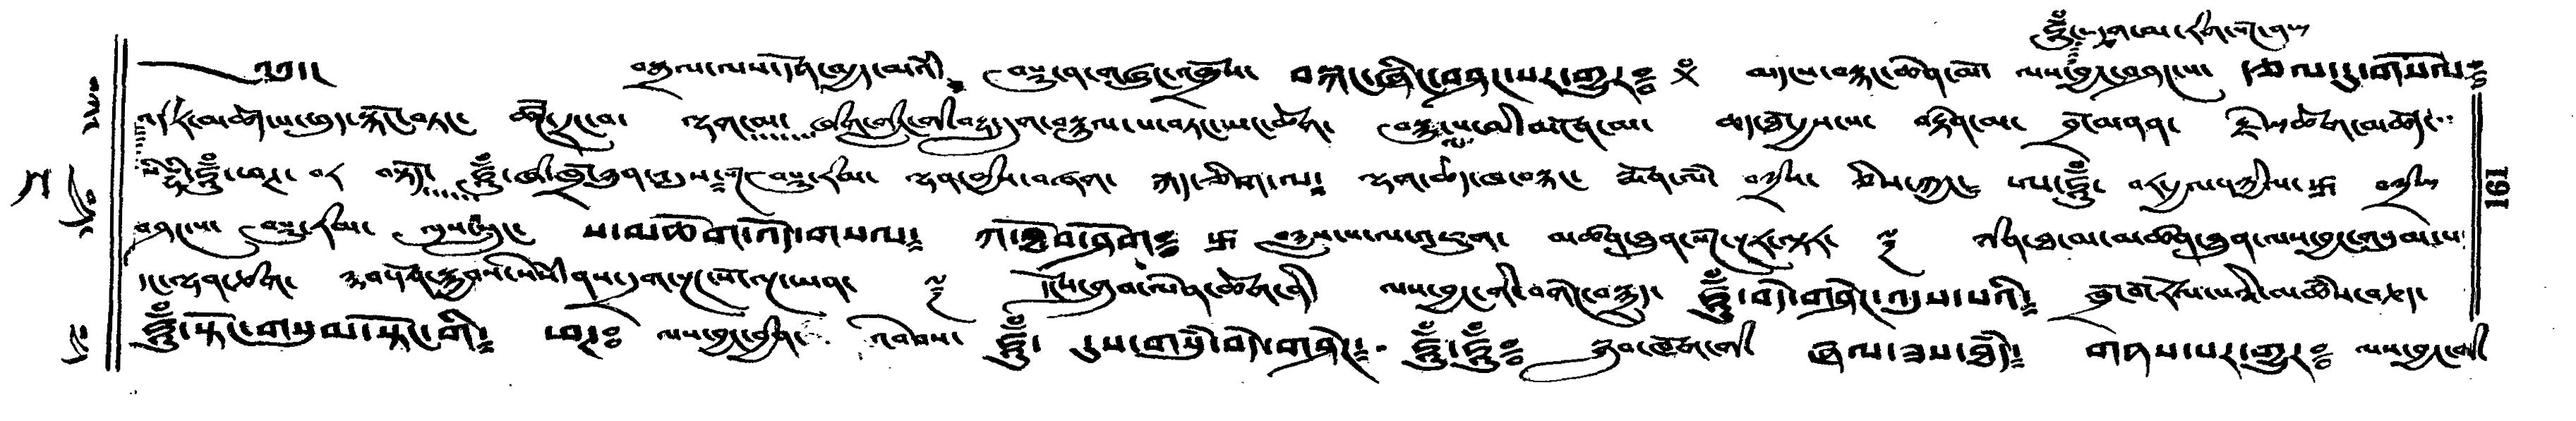བསྒྲལ་ལས་དོན་བརྒྱད་མའམ། བསྡུ་ན་གཞུང་འགྲོས། བསྐང་ཞིང་བཤགས་པར་གྱུར༔ མདངས་བསྐང་ཆེན་མོ། ལས་བྱང་ཧཱུྃ་བདག་ཅག་མ་རིག༴ སོགས་ནས། རྩལ་དུ་གསོལ༔ 
སིདྡྷི་ཧཱུྃ་ཕཊ༔ བར། འདིར་མཆོད་པ་ཕུད་སྐོང་བཏང་། ཚོགས་དྲང་བ། ལྷག་མ། ཞིག་གླིང་གི་བརྡ་དྲུག་བསྐུལ་པ་བཏང་ཡང་ཆོག བསྐུལ་པ་མི་མངོན་མ། ཆད་ཐོ་རྒྱས་པ། བརྟན་མ། བྲོ་མནན། རྗེས་ཆོག་མཆོད་
བསྟོད། ཧཱུྃ༔ ཞི་ཁྲོ་ཀུན་འདུས༴ སོགས་བསྡུ་རིམ། ལྷན་གྱིས་བཞག སྐད་ཅིག་ལ༴ ལྷག་ཆད་ཁ་བསྐང་། སྨོན་ལམ། བཀྲ་ཤིས། ཅིས་ཀྱང༴ ཨ་ཧཱུྃ༔ བར་རྒྱལ་དཀྱིལ། བཀྲ་ཤིས། 
བཤགས་པ། བསྡུ་རིམ། ལུས་སྲུང་། ས་མཆོག་འོད་གསལ༴ ཀ་ཐོབ་ཤོག༔ བཟླས་པ་ལ་འཇུག མཚན་ཐུན་སོགས་སྔར་ལྟར། ཉིན་ཐ་མའི་མཚན་ཐུན་ལས་བྱང་གསུམ་པ་
དང་ལྷན་ཅིག ཟབ་དོན་སྐྱབས་སེམས་ནས་དྲག་སྔགས་སོ་ལྔ་ཡན། དངོས་གྲུབ་ལེན་ཆོག་ནི། ལས་བྱང་གི་བགེགས་བསྐྲད། ཧཱུྃ༔ བདེ་གཤེགས་འདུས་པའི༴ ཁྲོ་བོ་རོལ་པའི་མཚམས་བཅད། 
ཧཱུྃཿ སྟོང་གསུམ་སྟོང་གི༴ ཕཊ༔ ལས་བྱང་བྱིན་འབེབས། ཧཱུྃ༔ དུས་གསུམ་བདེ་གཤེགས༴ ཧཱུྃ་ཧཱུྃ༔ སྒྲུབ་ཁོག་གི ཞལ་ཟས་ཐམས་ཅད༴ གནས་པར་གྱུར༔ ལས་བྱང་གི་